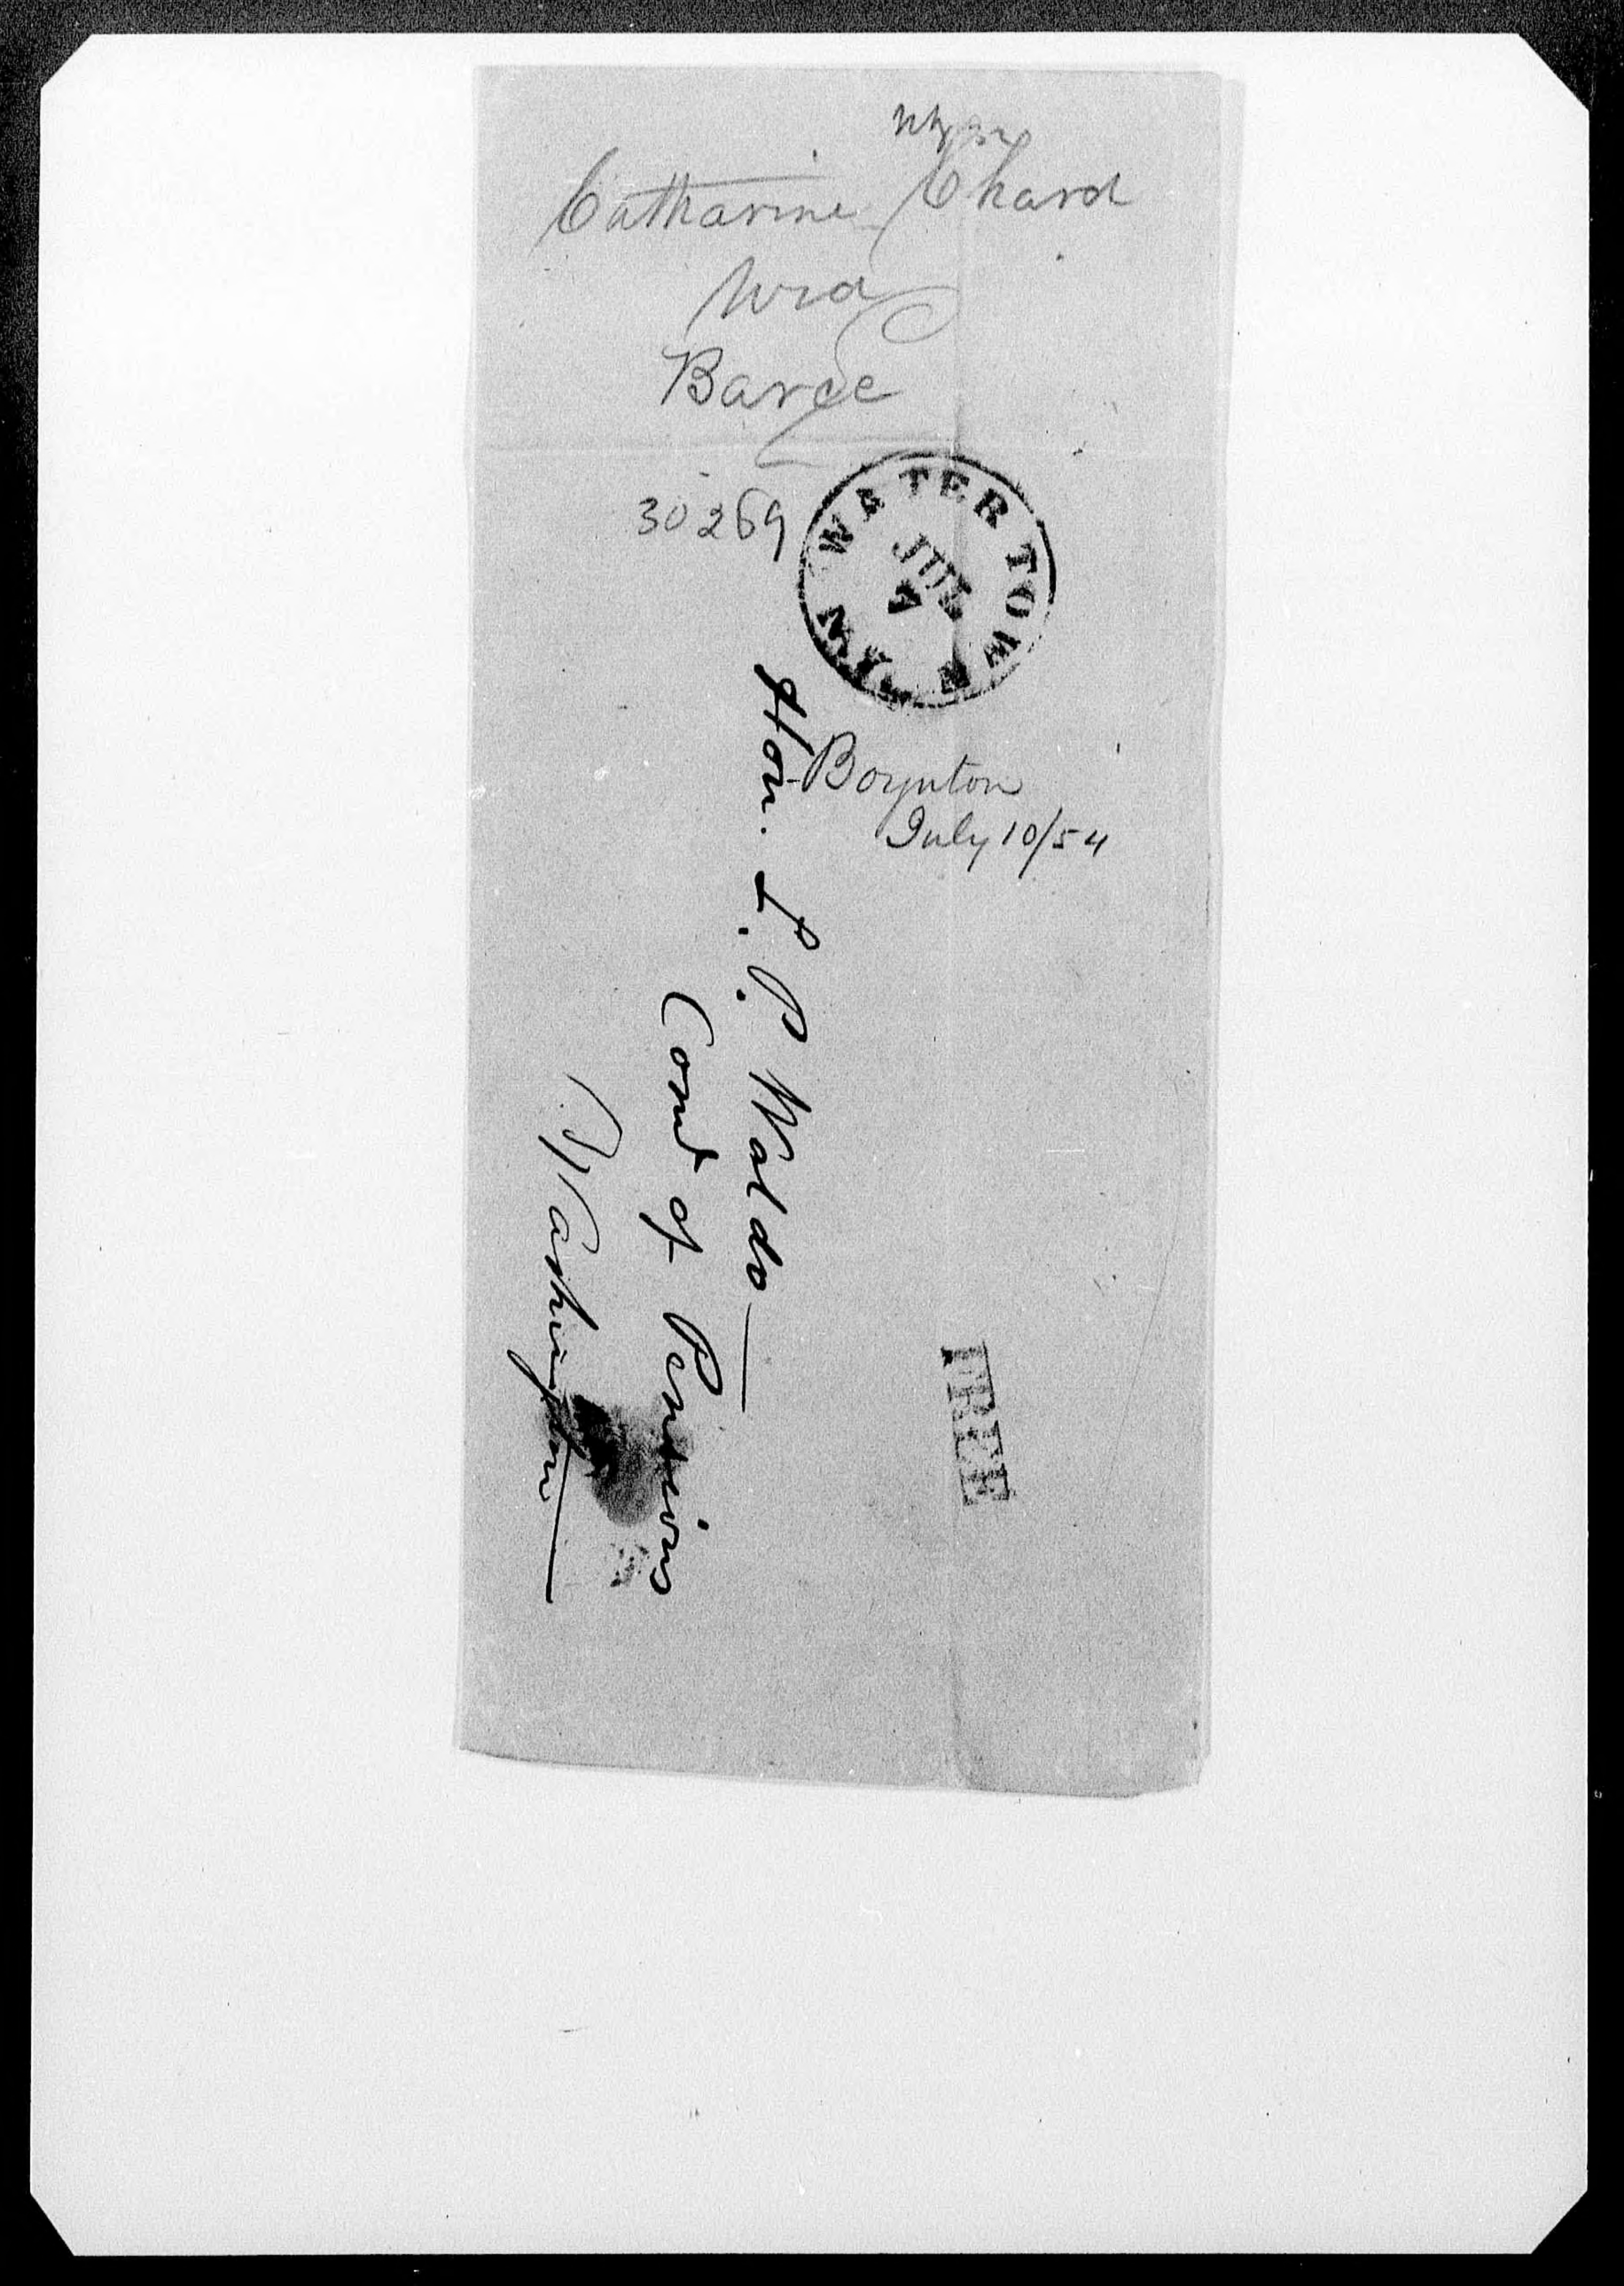NY
Catharine Chard
wid
Barce
30269
Boynton
July 10/54

Crosswise:
[Postmark] Watertown N.Y. JUL 7
FREE
Hon. J.L. Edwards
Comr of Pensions
Washington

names: Barce Chard, L P Waldo, Catharine Chard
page: 25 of 47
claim: widow's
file: W. 10,602, Barce Chard, New York.